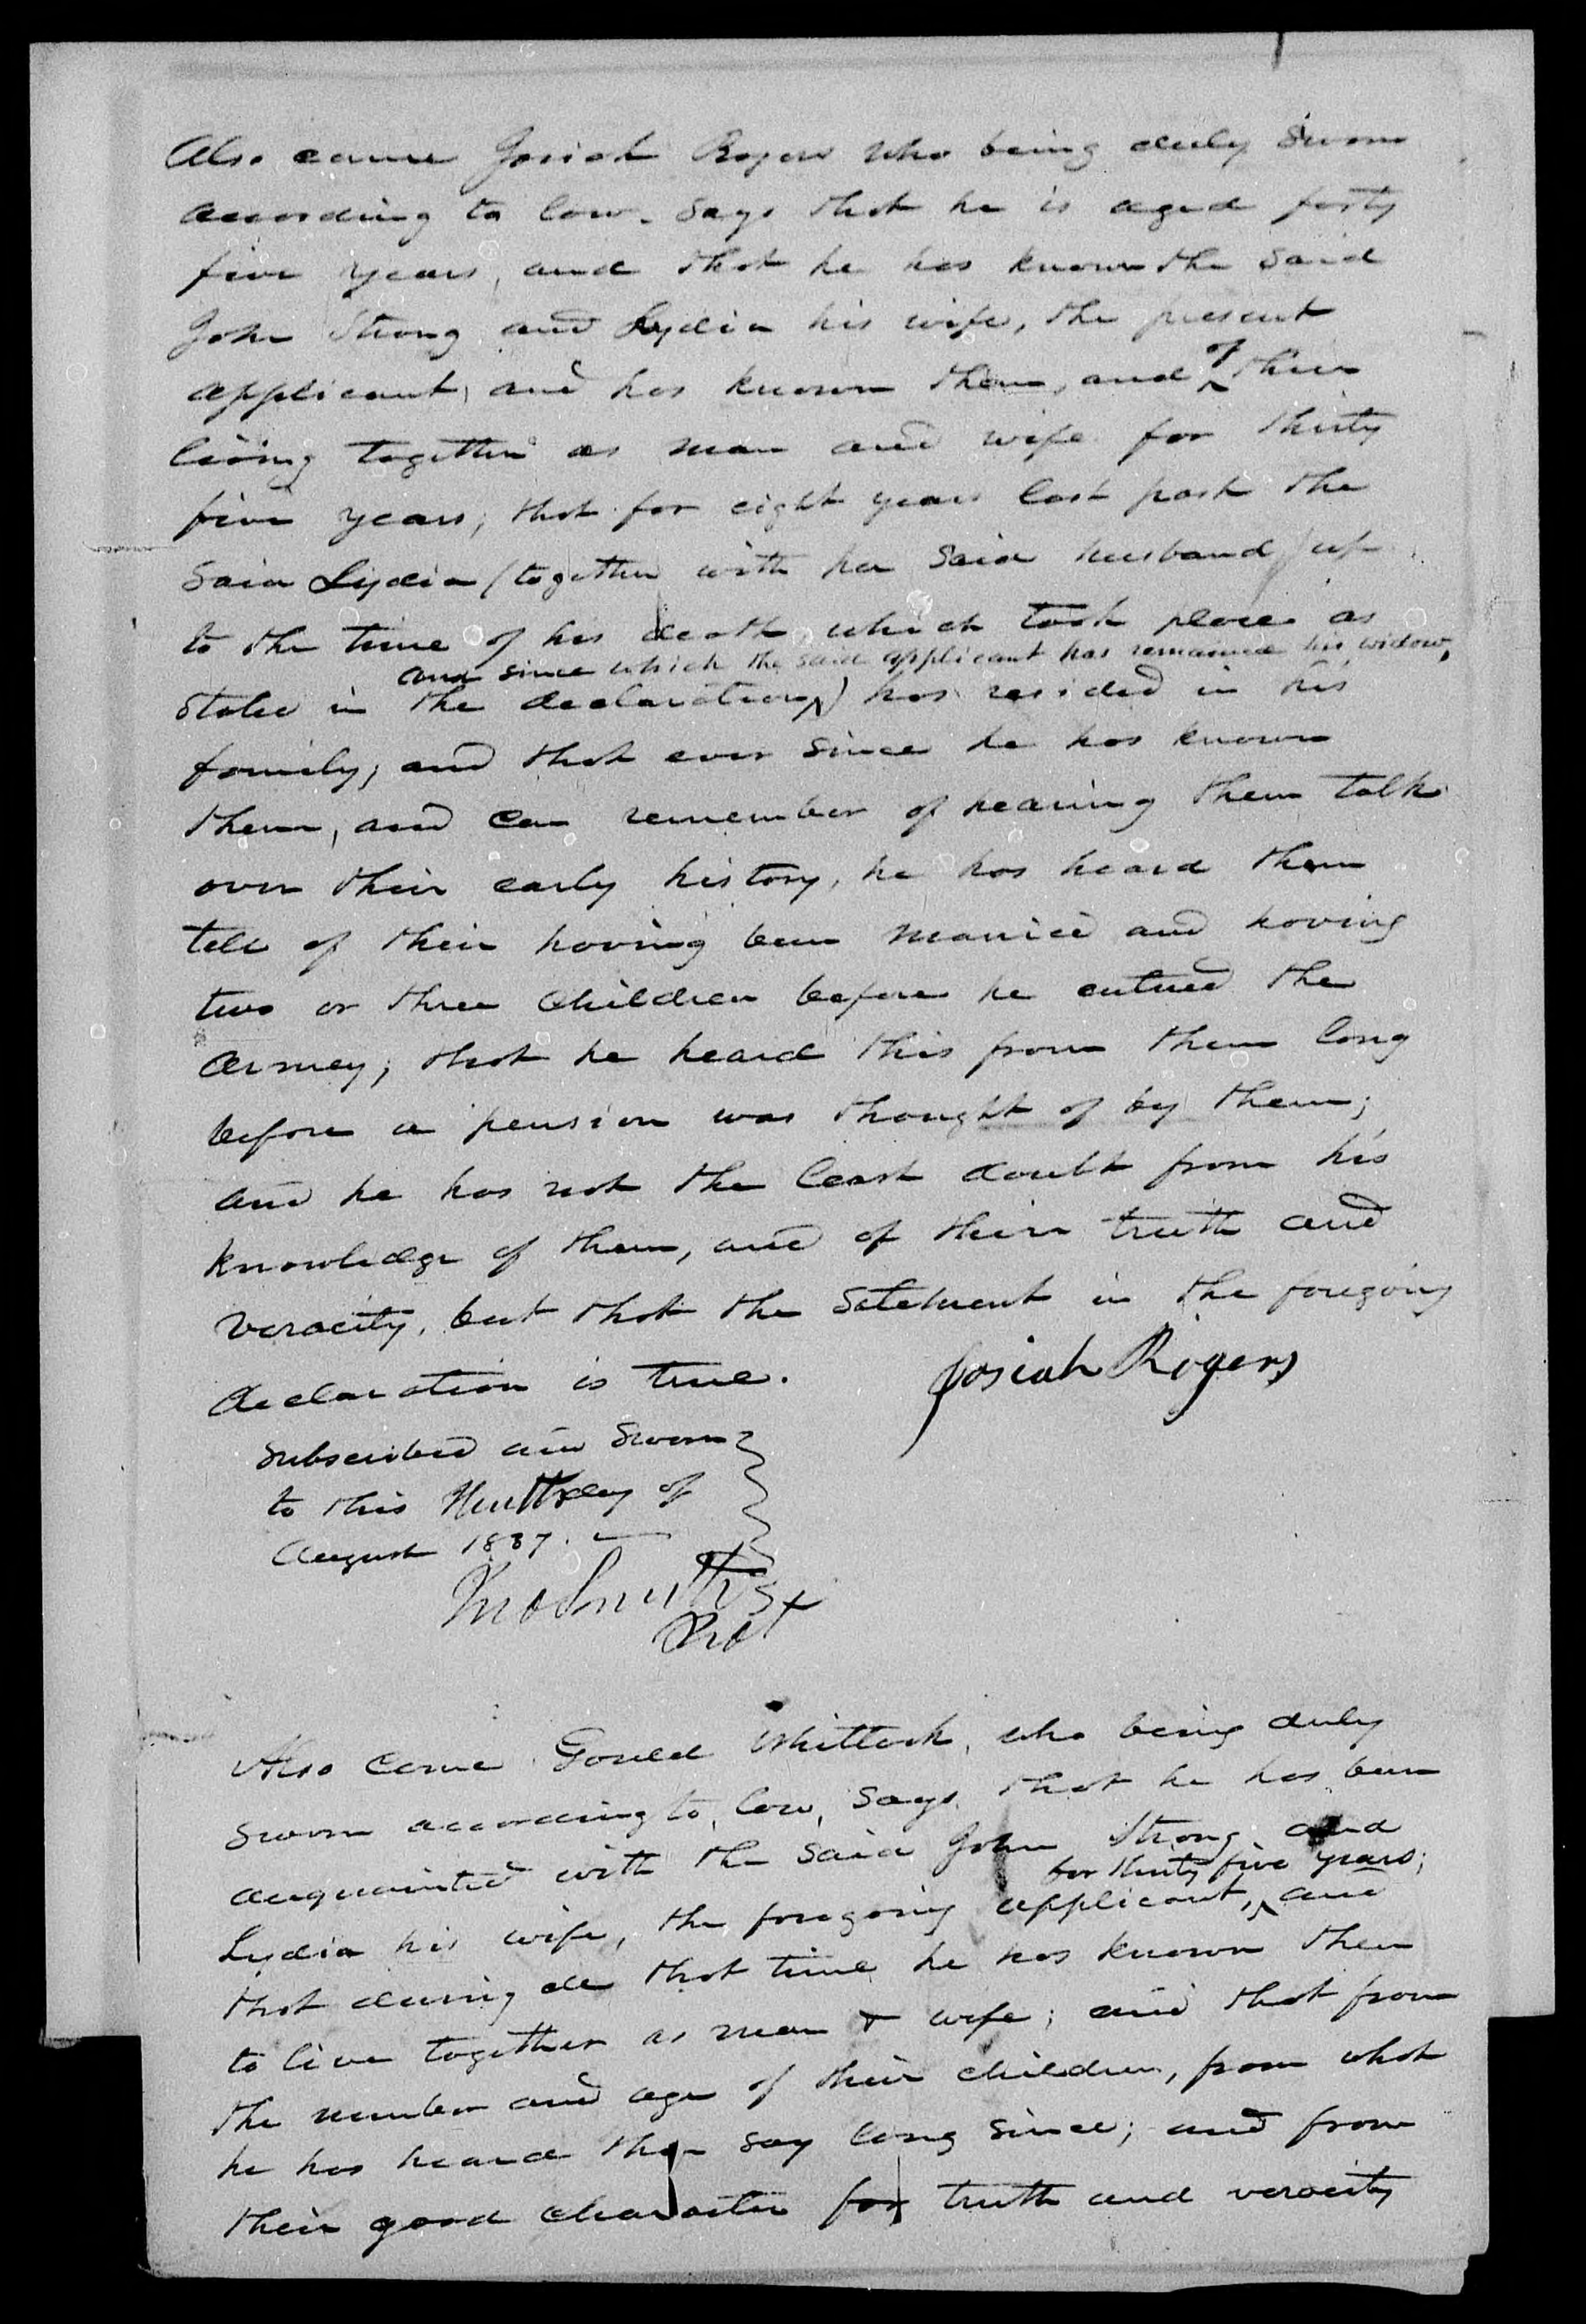Also came Josiah Rogers who being duly sworn according to law says that he is aged forty five years and that he has known the said John Strong and Lydia his wife, the present applicant, and has known them, and of their living together as man and wife for thirty five years; that for eight years last past the said Lydia / together with her said husband up to the time of his death which took place as stated in the declaration [inserted text] and since which the said applicant has remained his widow [end inserted text] has resided in his family; and that ever since he has known them, and can remember of hearing them talk over their early history, he has heard them talk of their having been married and having two of their children before he entered the army; that he heard this from them long before a pension was thought of by them; and he has not the least doubt from his knowledge of them, and of their truth and veracity, but that the statement in the declaration is true. 
 [signature] Josiah Rogers

Subscribed and sworn to this Ninth day of August 1837 –
[signature] [John] Smith  Prot

Also come Gould Whitlock, who being duly Sworn according to law, says that he has been acquainted with the said John Strong decd Lydia his wife, the foregoing applicant, for thirty five years; and that during all that time he has known them to live together as man & wife, and that from the number and age of their children, from whom he has heard them say long since; and from their good character for truth and veracity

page: 8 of 33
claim: widow's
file: W. 4592, for John Strong, New York